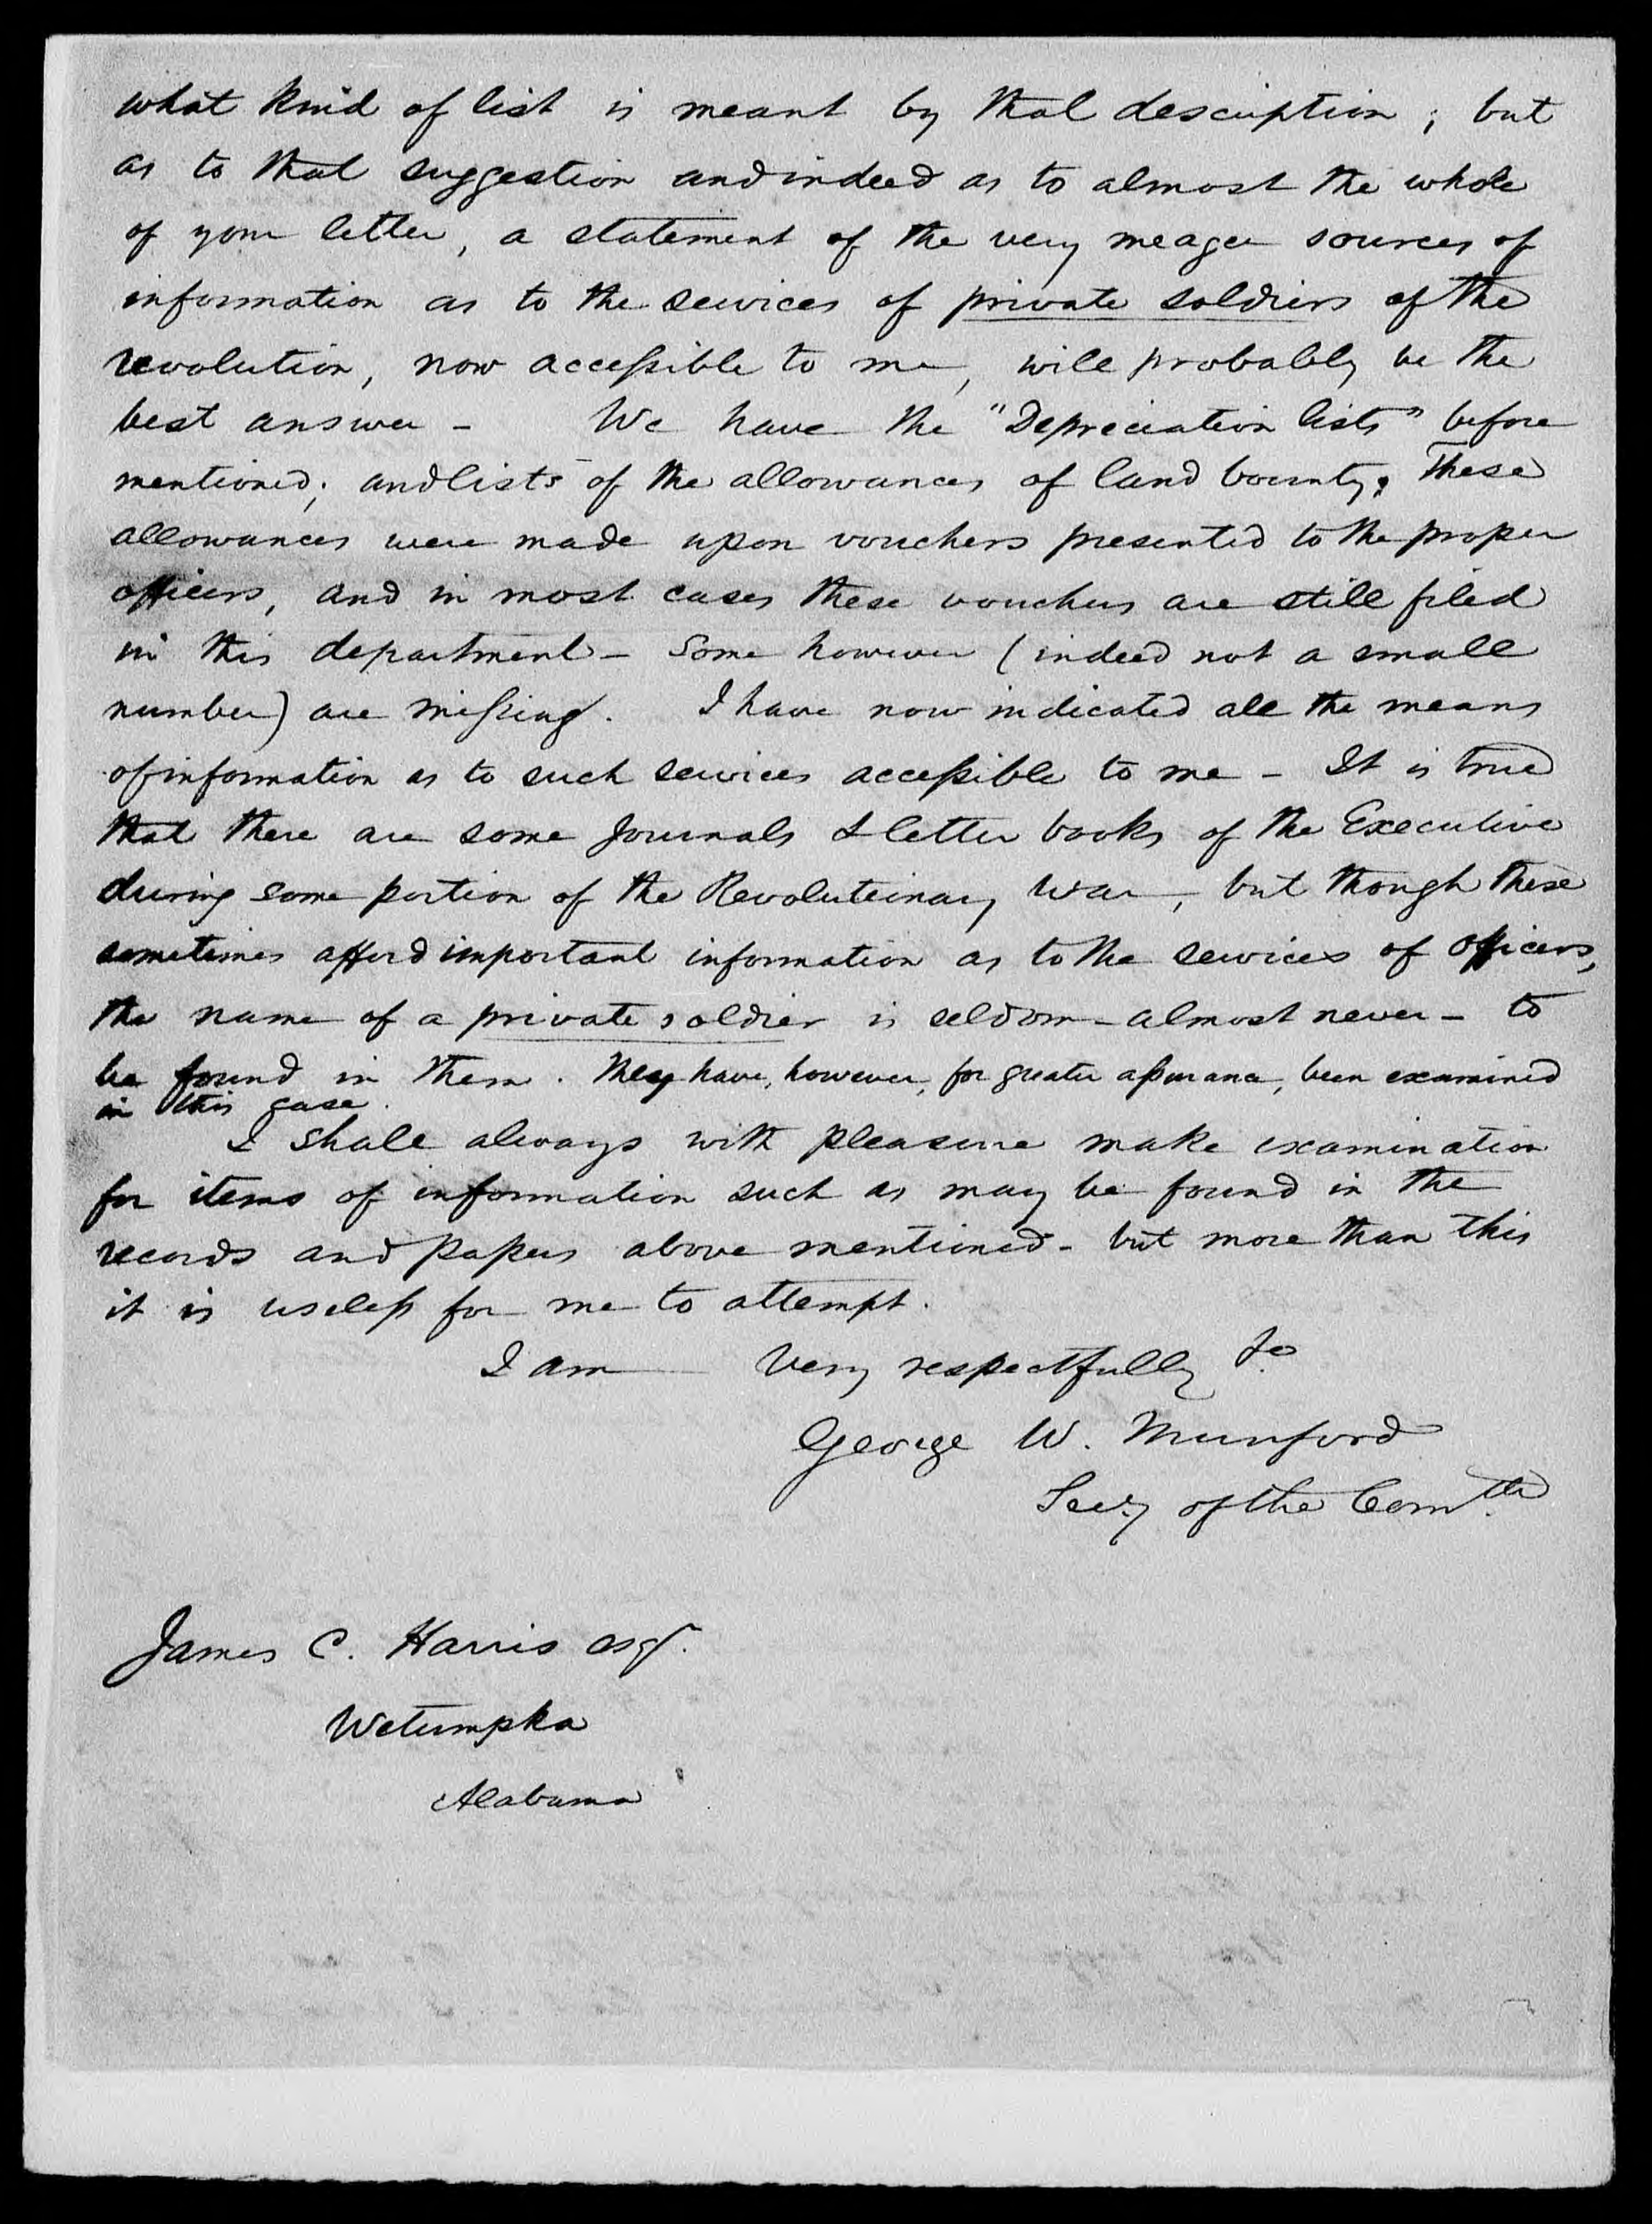what kind of list is meant by that description, but as to that suggestion and indeed as to almost the whole of your letter, a statement of the very meager sources of information as to the services of private soldiers of the revolution, now accessible to me, will probably be the best answer.  We have the "depreciation lists" before mentioned, and lists of the allowances of land bounty.  These allowances were made upon vouchers presented to the proper officers, and in most cases these vouchers are still filed in this department.  Some however (indeed not a small number) are missing.  I have now indicated all the means of information as to such services accessible to me.  It is true that there are some Journals & letter books of the Executive during some portion of the Revolutionary war, but though these sometimes afford important information as to the services of officers, the name of a private soldier is seldom--almost never--to be found in them.  They have, however, for greater assurance, been examined in this case.
I shall always with pleasure make examination for items of information such as may be found in the records and papers above mentioned, but more than this it is useless for me to attempt.
I am very respectfully &c.
George W. Munford
Secy of the Comth

James C. Harris Esqr
Wetumpka
Alabama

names: George W Munford, James C Harris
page: 145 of 160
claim: rejected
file: R. 4666, James Harris, Va.